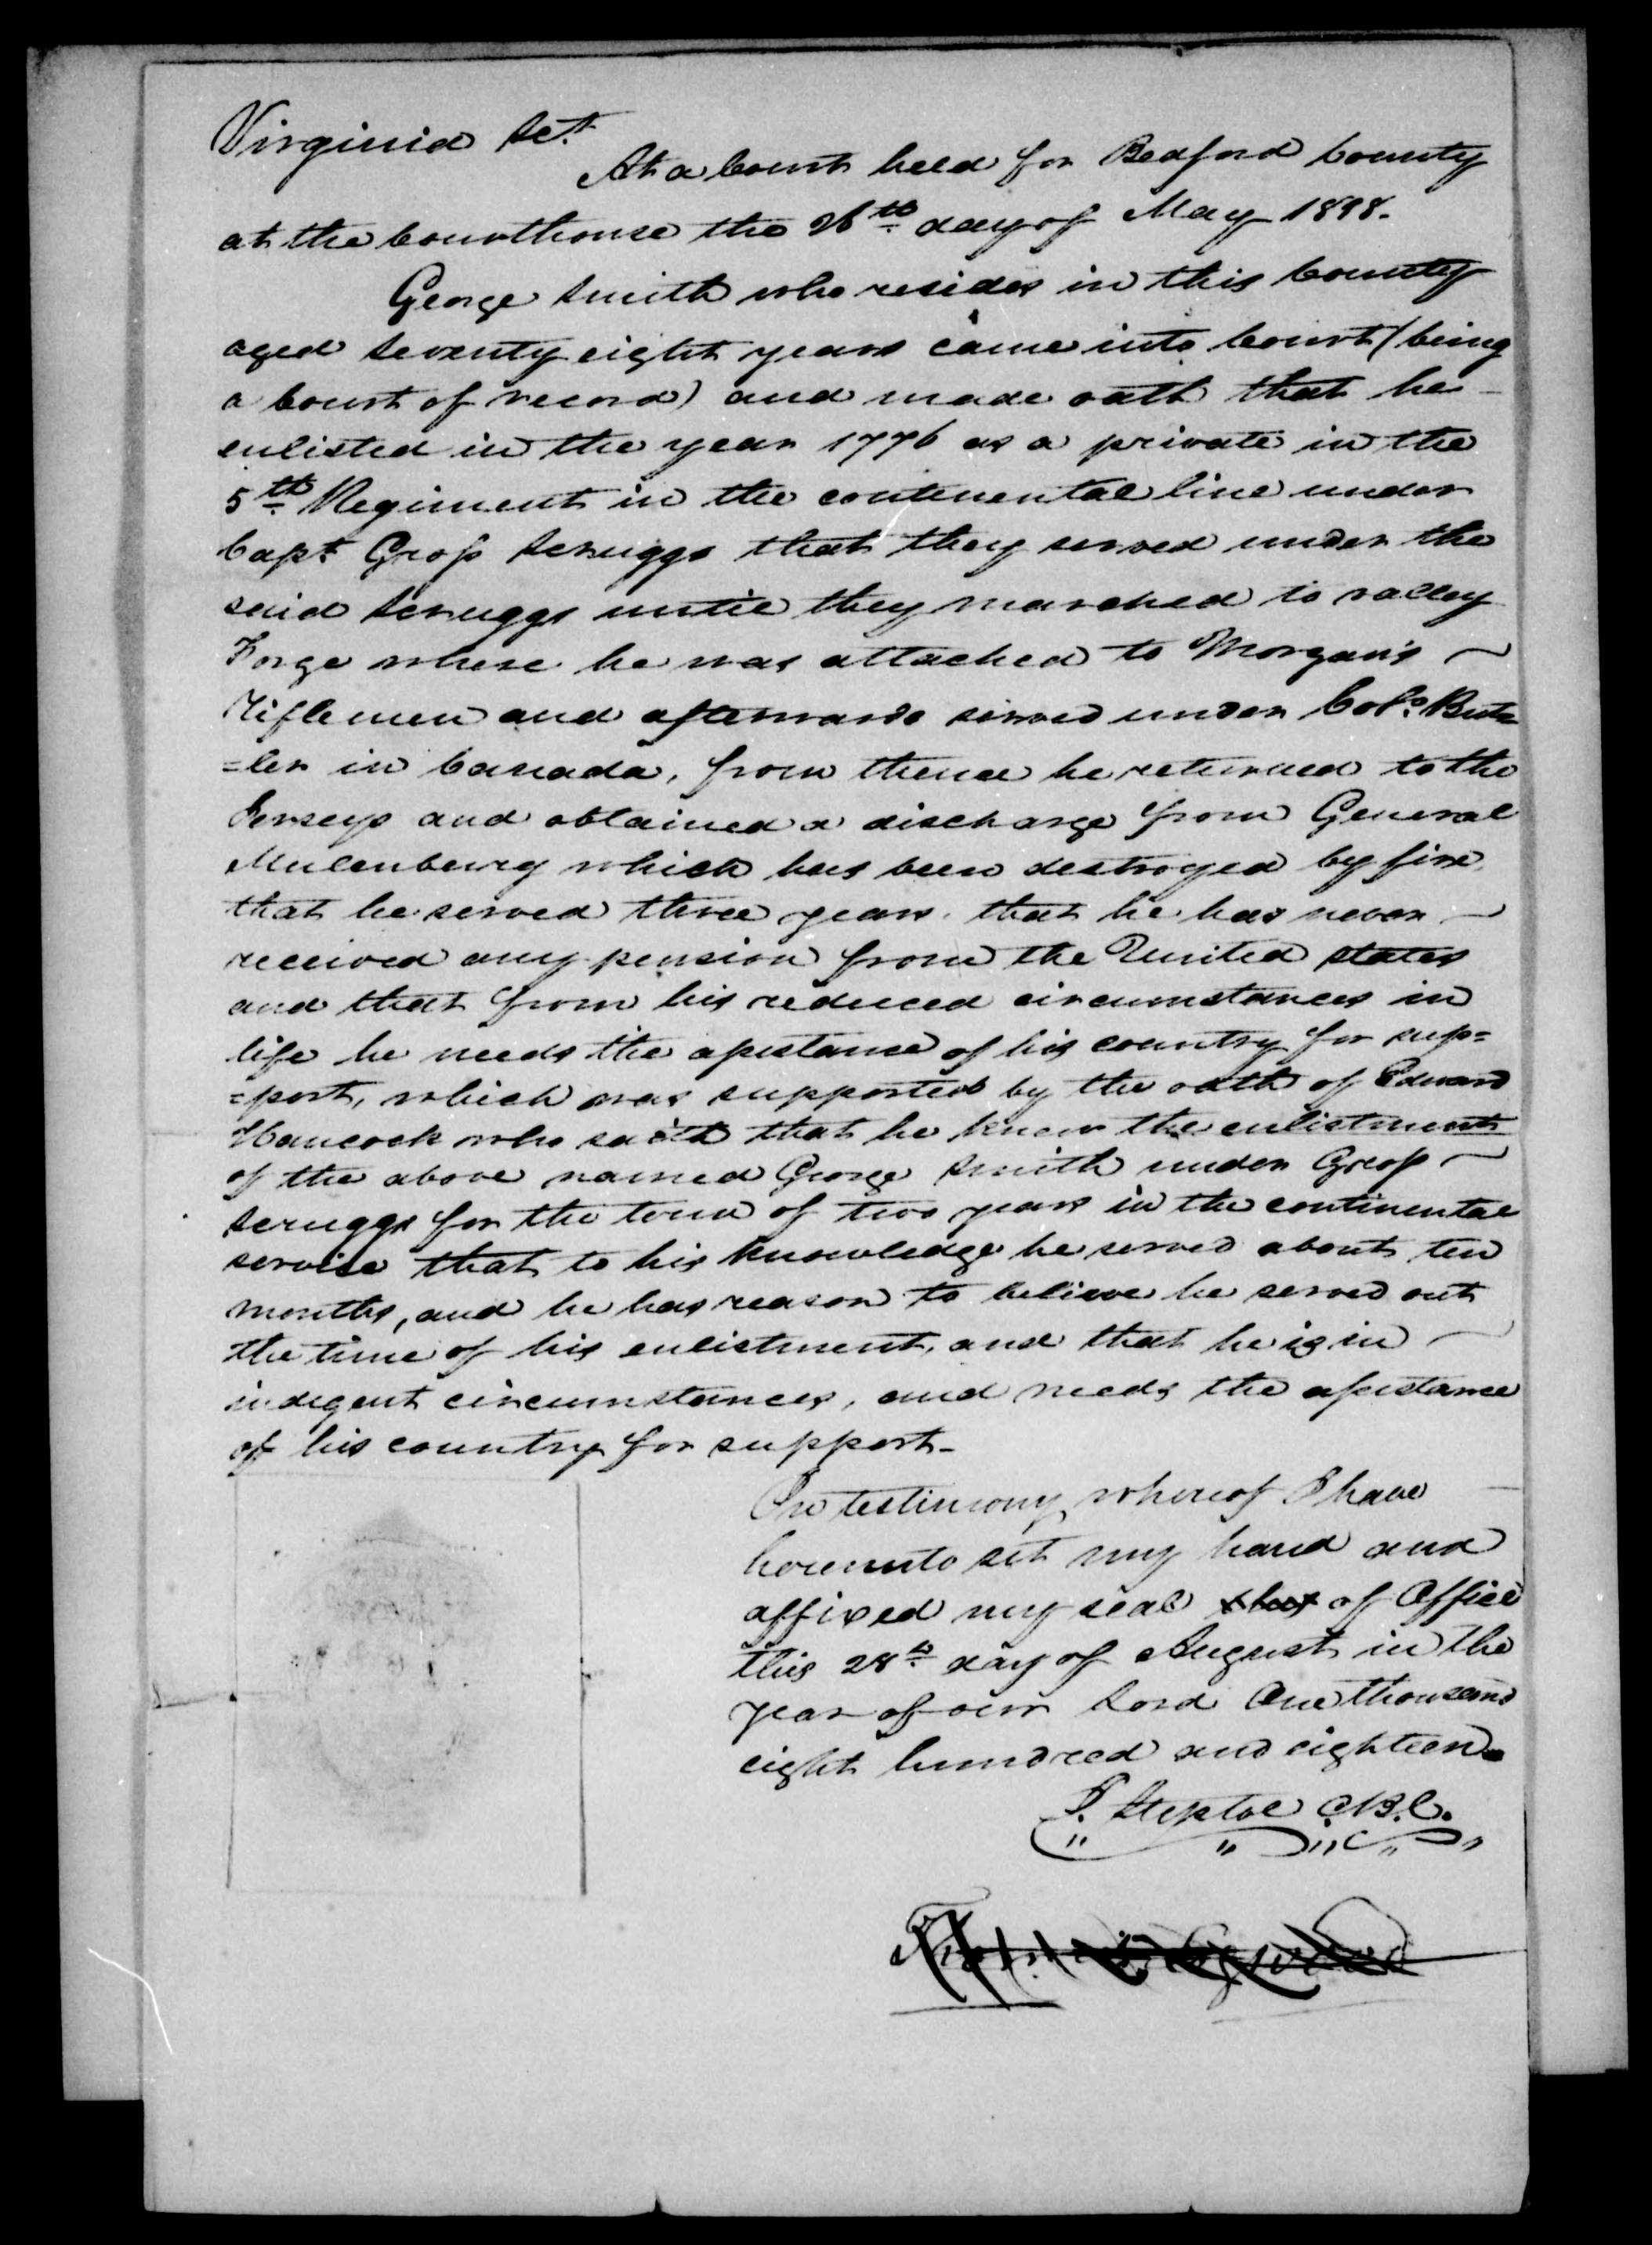Virginia sct.
At a Court held for Bedford County at the courthouse this 26th day of May 1818.
George Smith who resides in this county aged seventy eight years came into Court (being a court of record) and made oath that he enlisted in the year 1776 as a private in the 5th Regiment in the continental line under Capt. Gross Scruggs that they served under the said Scruggs until they marched to valley Forge where he was attached to Morgan's riflemen and afterwards served under Col. Butler in Canada, from there he returned to the Jerseys and obtained a discharge from General Mulenburg which has been destroyed by fire, that he served three years, that he has never received any pension from the United States and that from his reduced circumstances in life he needs the assistance of his country for support, which was supported by the oath of Edward Hancock who saith that he knew the enlistment of the above named George Smith under Gross Scruggs for the term of two years in the continental service that to his knowledge he served about ten months, and he has reason to believe he served out the time of his enlistment and that he is in indigent circumstances, and needs the assistance of his country for support. 
In testimony whereof I have hereunto set my hand and affixed my seal of office this 28th day of August in the year of our Lord one thousand eight hundred and eighteen.
J. Steptoe B. C.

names: George Smith; [BLANK] Butler; Gross Scruggs; Gross Scruggs; George Smith; [BLANK] Morgan; J Steptoe; [BLANK] Mulenburg; Edward Hancock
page: 4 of 16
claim: survivor's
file: S. 38,386, for George Smith, Virginia